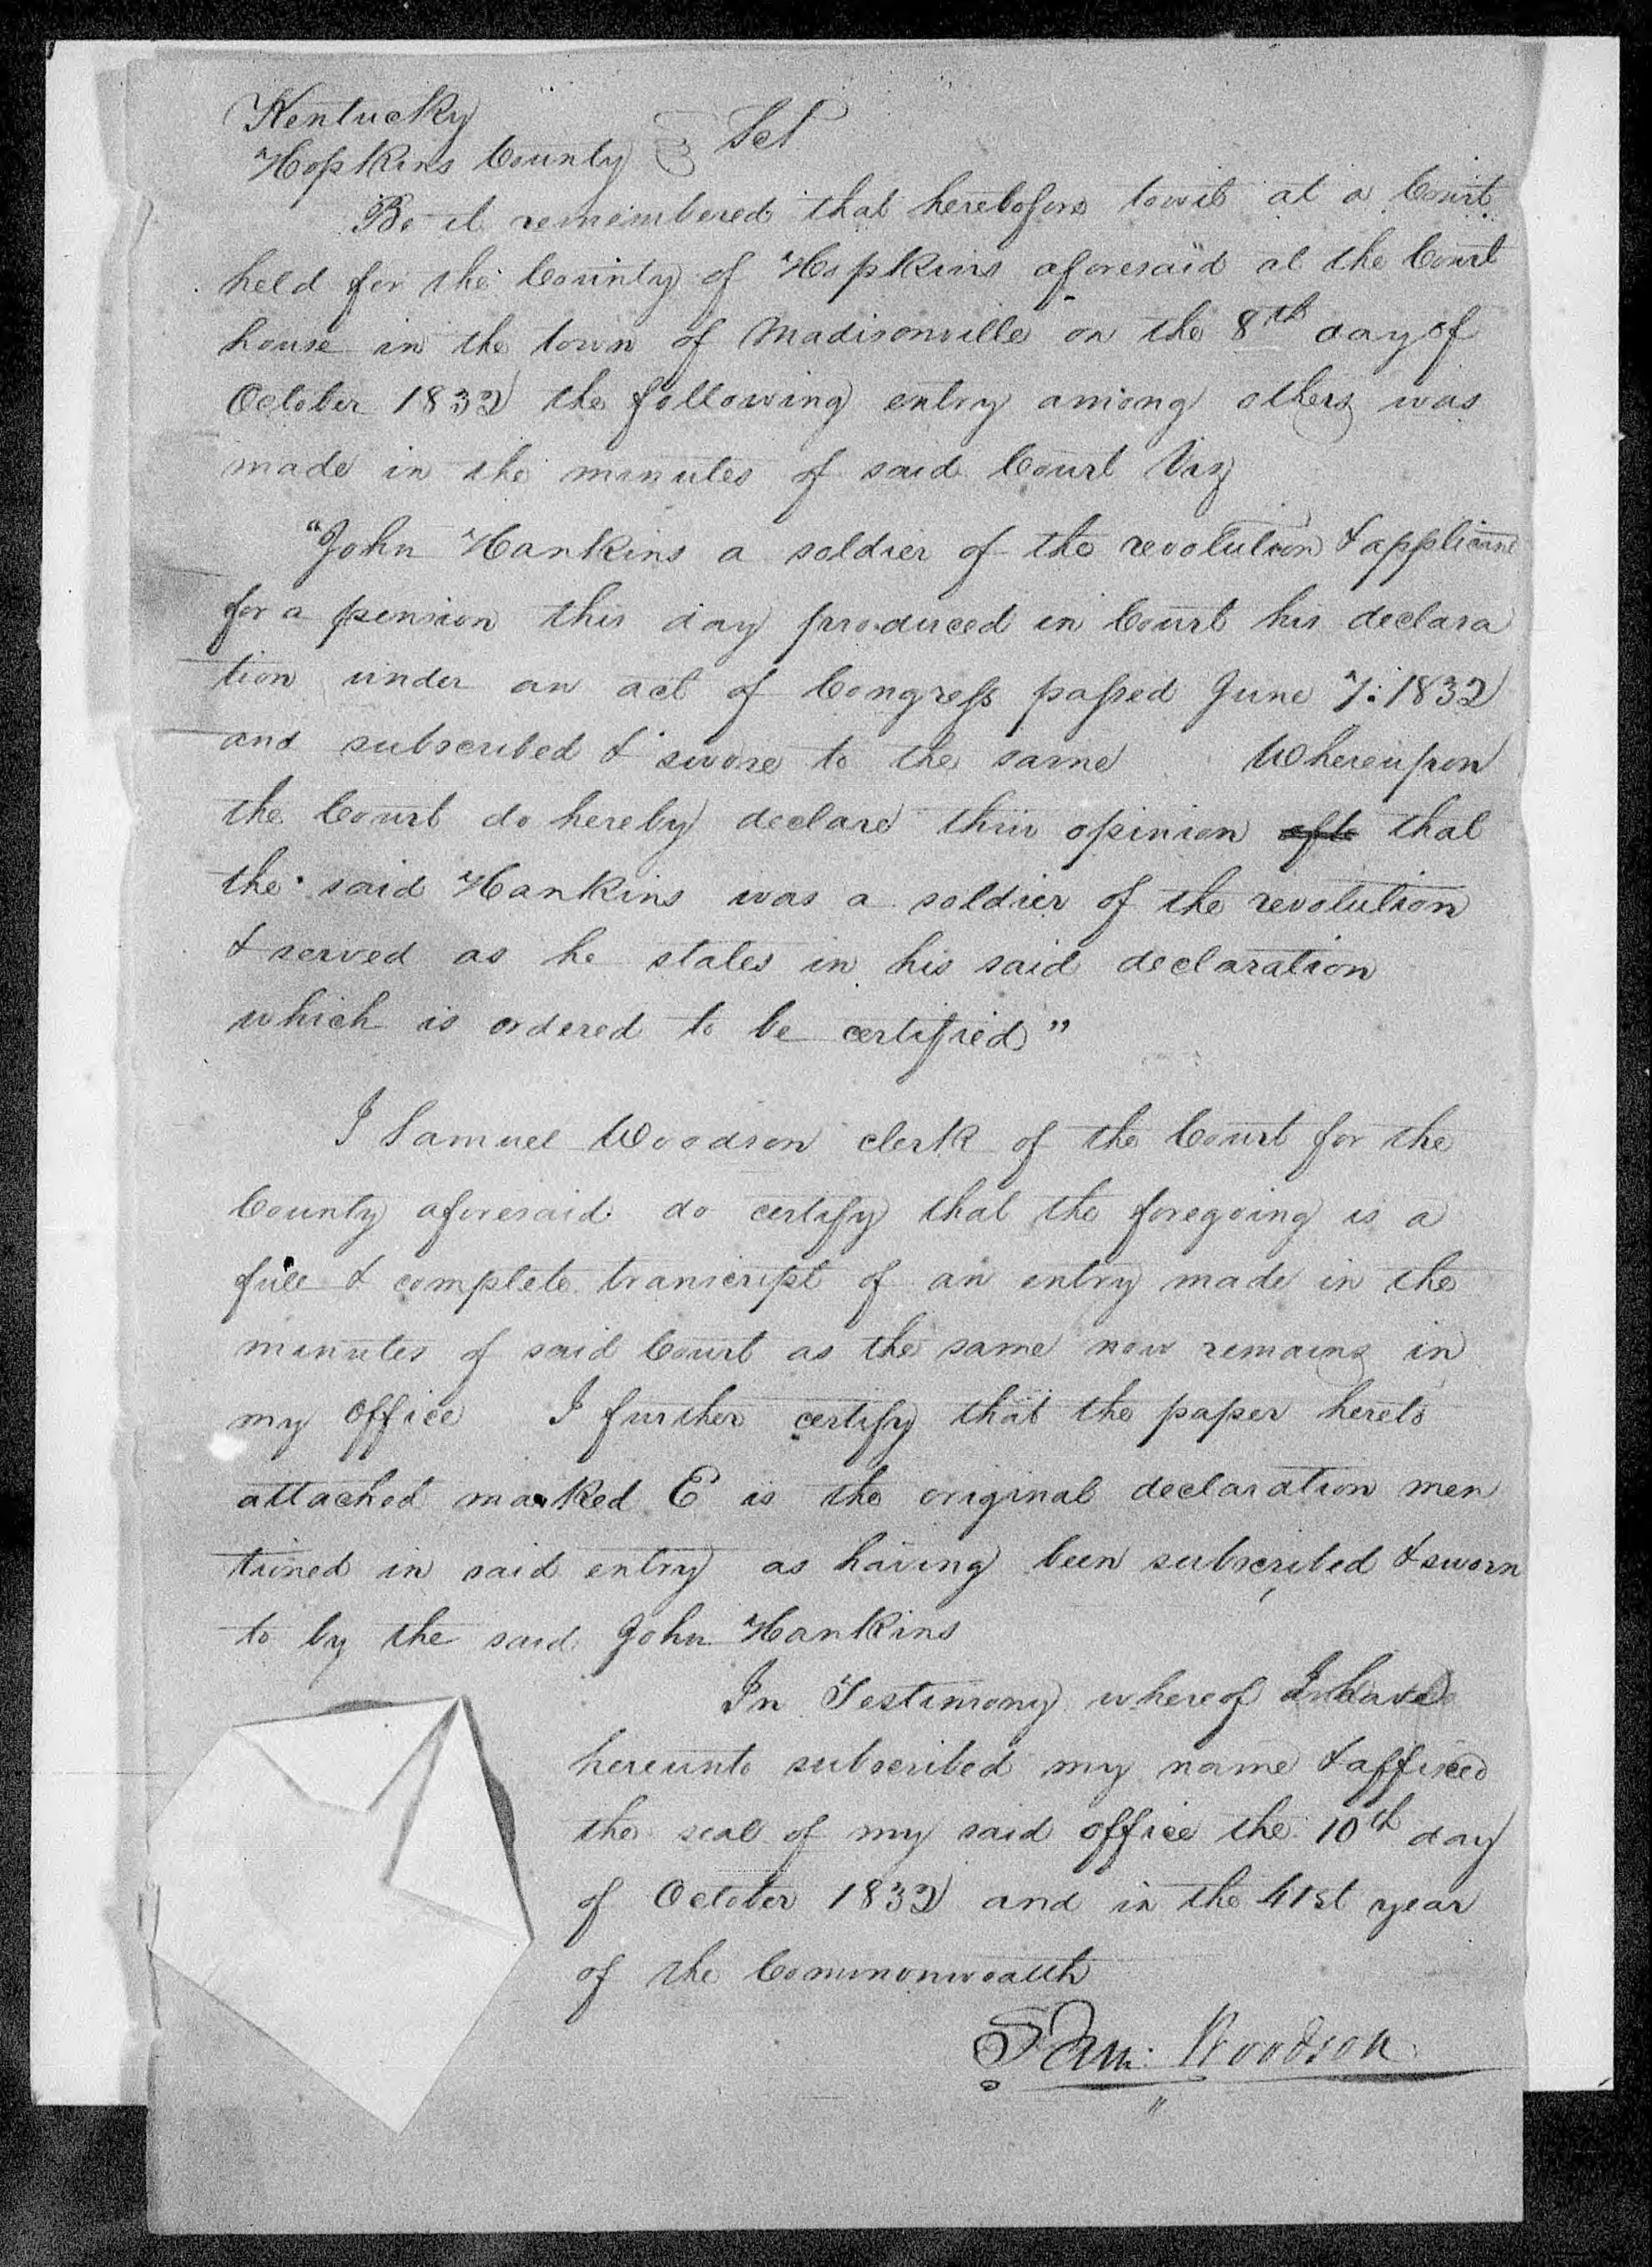Kentucky
Hopkins County [illegible]
Be it remembered that heretofore [illegible] at a Court held for the County of Hopkins aforesaid at the Court house in the town of Madisonville on the 8th day of October 1832 the following entry among others was made in the minutes of said Court Viz.
"John Hankins a soldier of the revolution & applicant for a pension this day produced in court his declaration under an act of Congress passed June 7 1832 and subscribed  & swore to the same. Whereupon the Court do hereby declare this opinion that the said Hankins was a soldier of the revolution & served as he states in his said declaration which is ordered to be certified" 
I Samuel Woodson clerk of the court for the County aforesaid do certify that the foregoing is a full & complete transcript of an entry made in the minute of said Court as the same now remaining in my office. I further cerify that the paper hereto attached marked E is the original declaration mentioned in said entry as having been subscribed & sworn to by the said John Hankins
In Testimony whereof I have hereunto subscribed my name & affixed the seal of my said office the 10th day of October 1832 and in the 41st year of the Commonwealth
Sam. Woodson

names: Sam Woodson, John Hankins, Hankins, Samuel Woodson, John Hankins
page: 15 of 19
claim: survivor's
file: S. 16404, John Hankins, Va.